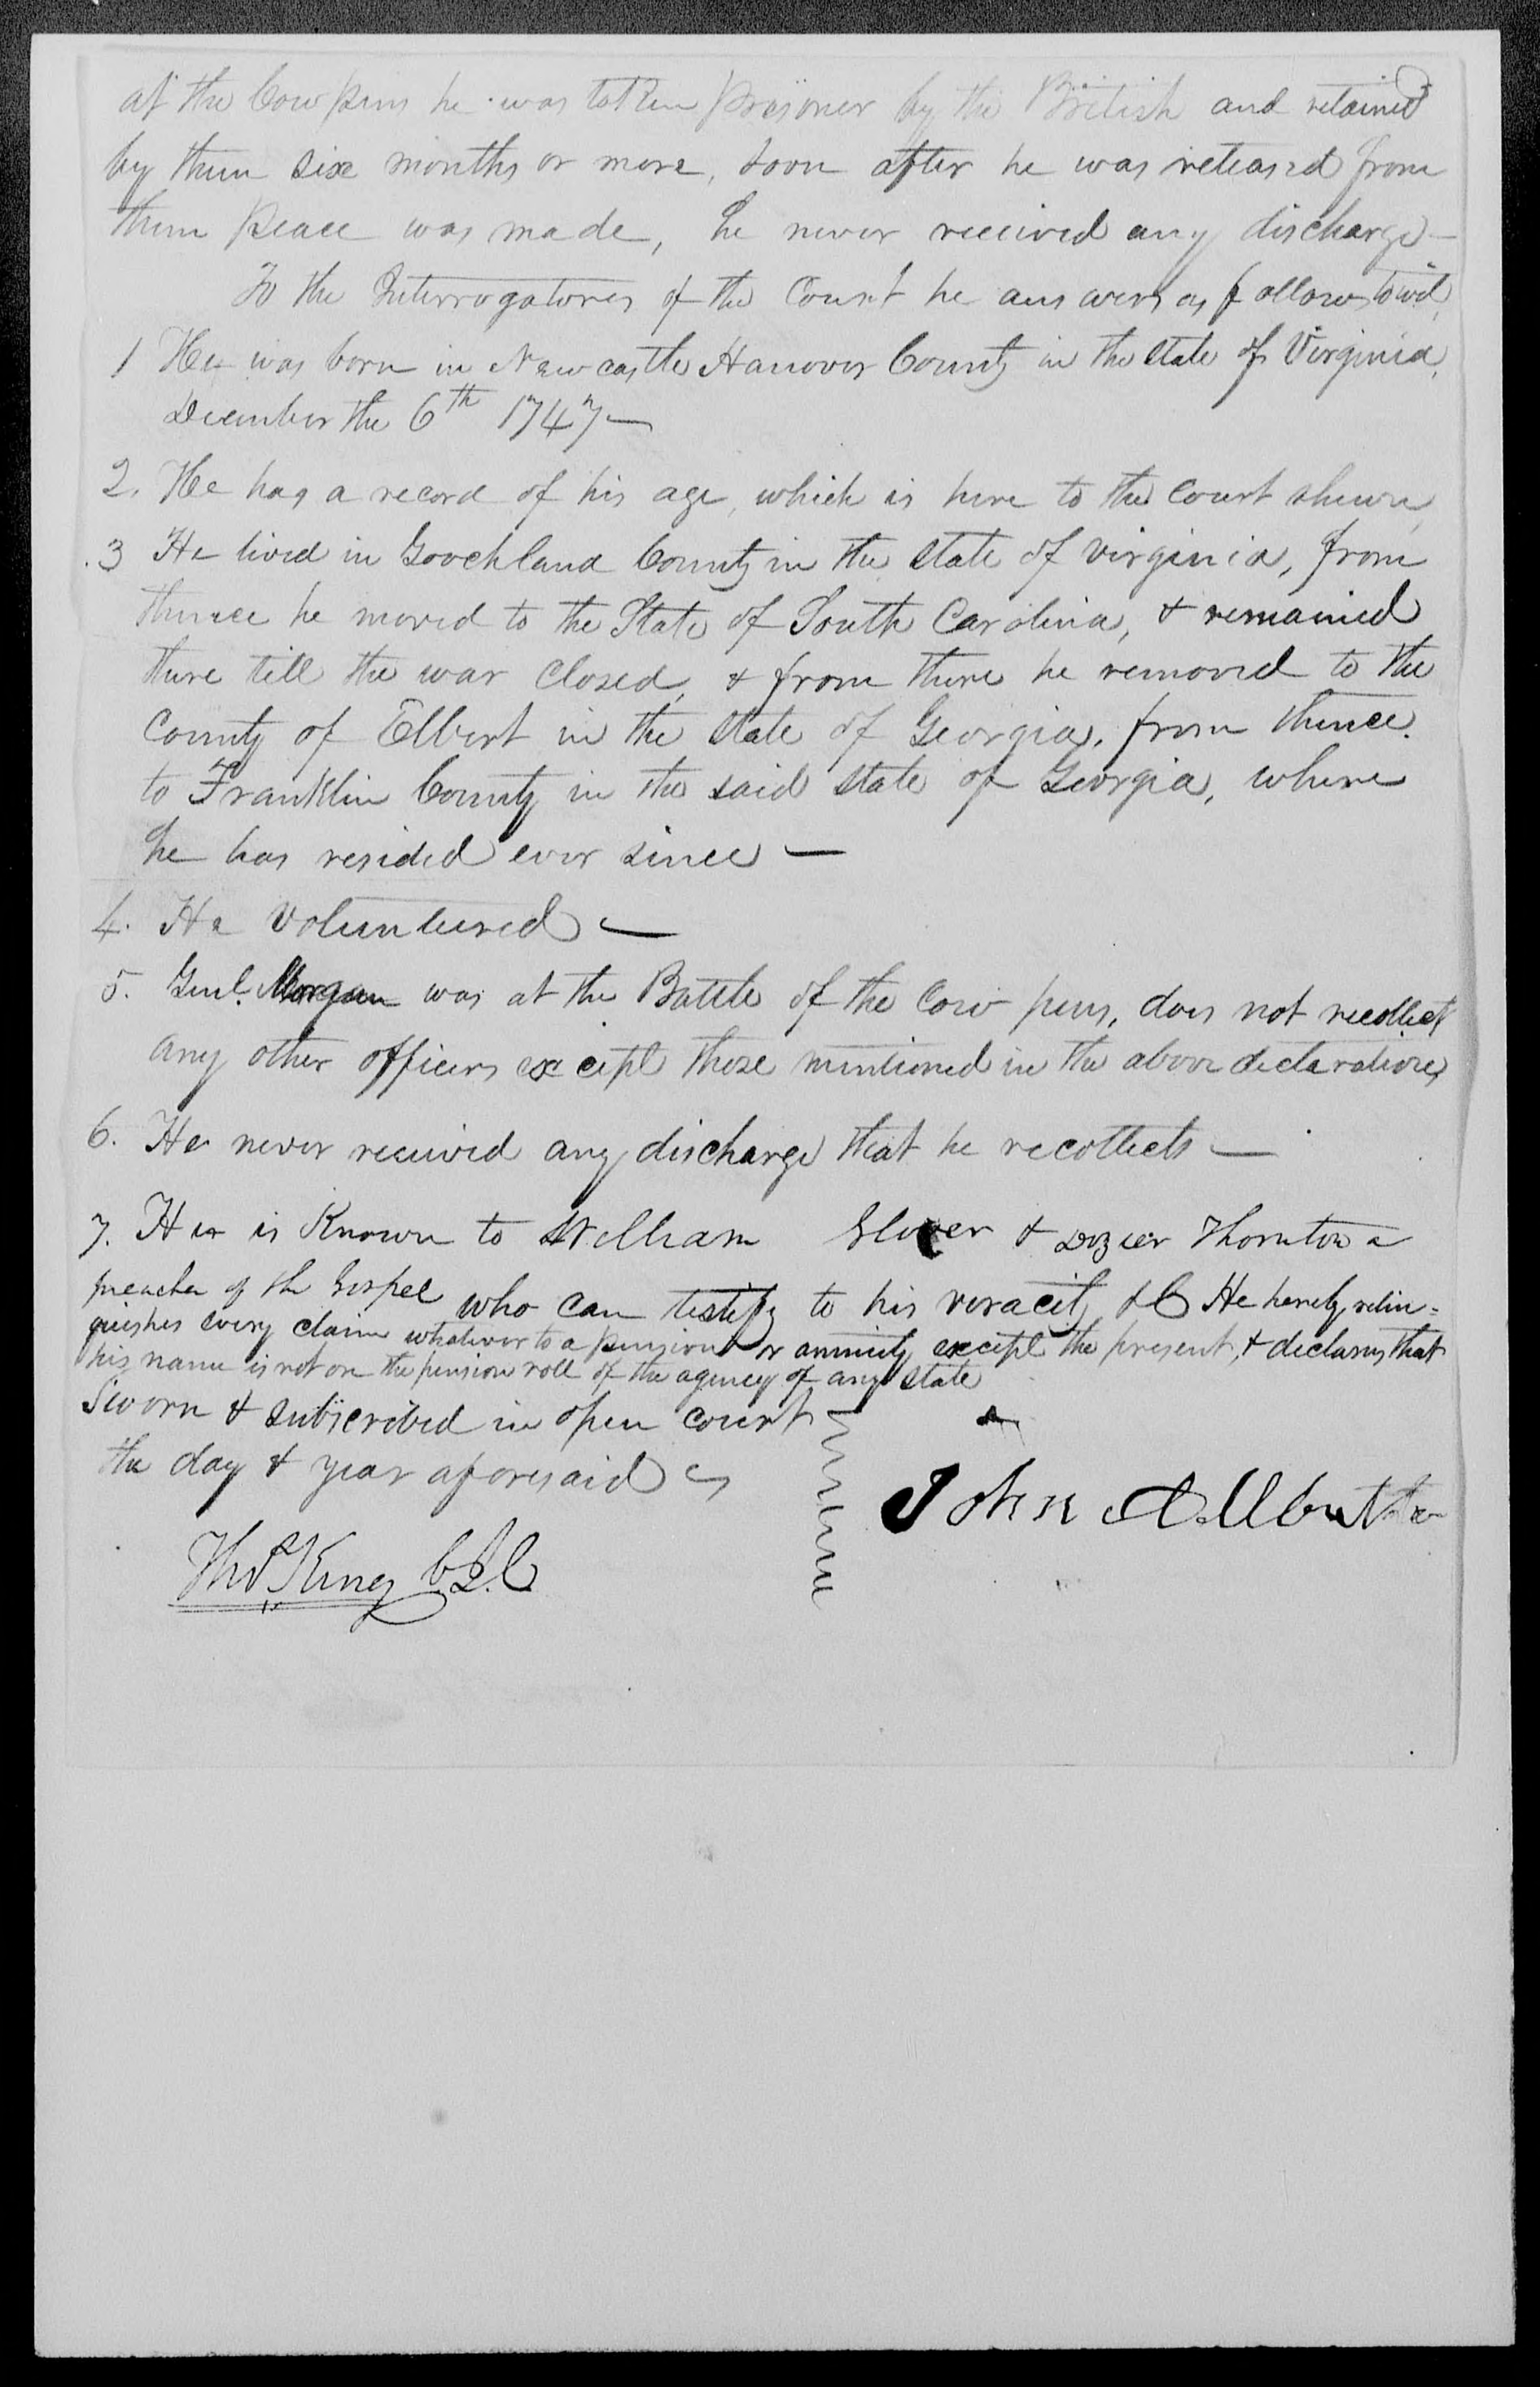at the Cow pens he was taken prisoner by the British and retained by them six months or more. Soon after he was released from them, Peace was made, he never received any discharge.
To the Interrogators of the Court he answers as follows, to wit, 
1. He was born in Newcastle, Hanover County in the State of Virginia December the 6th 1747.
2. He has a record of his age which is here to the Court shown.
3. He lived in Goochland County in the state of Virginia, from thence he moved to the State of South Carolina, & remained there till the war closed & from there he removed to the County of Elbert in the State of Georgia, from thence to Franklin County in the said State of Georgia, where he has resided ever since.
4. He volunteered.
5. Genl. Morgan was at the Battle of the Cow pens, does not recollect any other officers except those mentioned in the above declaration.
6. He never received any discharge that he recollects.
7. He is Known to William Glover & Dozier Thornton, a preacher of the Gospel, who can testify to his veracity, & He hereby relinquishes every claim whatsoever to a pension or annuity except the present & declares that his name is not on the pension roll of the agency of any state.
John Allbritton
Sworn & subscribed in open court the day & year aforesaid
Wm. Kiney C J L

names: John Allbrett, Thos King, Morgan, William Glover, Dozier Thornton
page: 5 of 22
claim: survivor's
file: S. 31,517, John Allbritton, S.C.